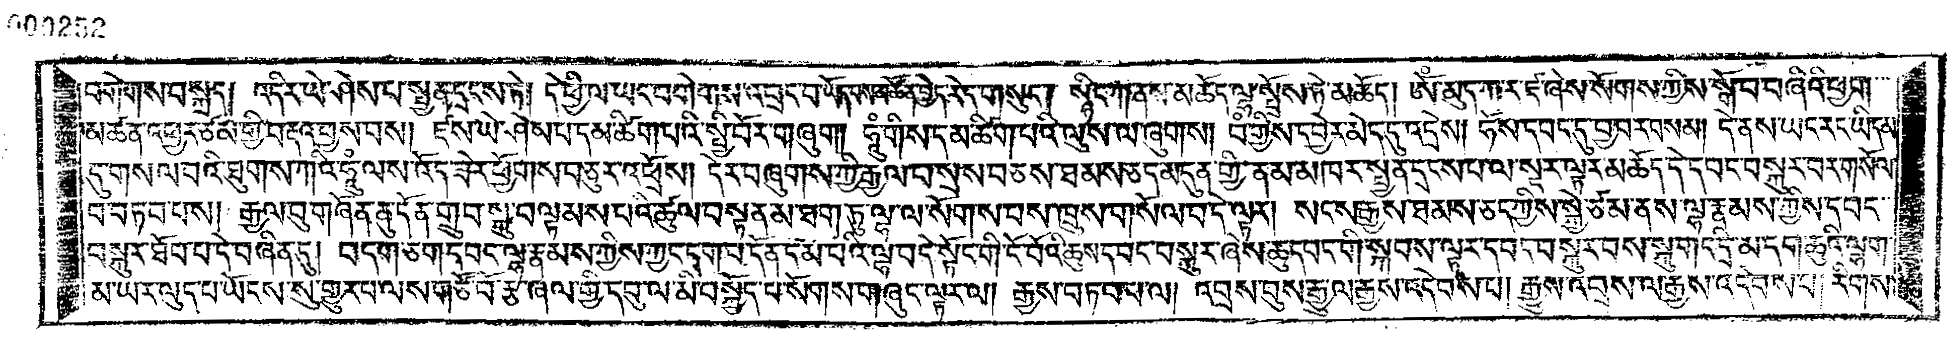བགེགས་བསྐྲད། འདིར་ཡེ་ཤེས་པ་སྤྱན་དྲངས་ཏེ། དེ་ཕྱི་ལ་ཡང་བགེགས་འབྲང་བ་ཡོད་པས་མཚོན་བྱེད་རེད་གསུང་། སྙིང་ཀ་ནས་མཆོད་ལྷ་སྤྲོས་ཏེ་མཆོད། ཨོཾ་མུད་ཀ་ར་ཛ་ཞེས་སོགས་ཀྱིས་སྒོ་བ་བཞིའི་ཕྱག་
མཚན་འཕྱར་ཙམ་གྱི་བརྡའ་བྱས་པས། ཛས་ཡེ་ཤེས་པ་དམ་ཚིག་པའི་སྤྱི་བོར་གཞུག །ཧཱུཾ་གིས་དམ་ཚིག་པའི་ལུས་ལ་ཞུགས། བཾ་གྱིས་དབྱེར་མེད་དུ་འདྲེས། ཧོས་དབང་དུ་བྱ་བར་བསམ། དེ་ནས་ཡང་རང་ཡི་དམ་
དུ་གསལ་བའི་ཐུགས་ཀའི་ཧཱུཾ་ལས་འོད་ཟེར་ཕྱོགས་བཅུར་འཕྲོས། དེར་བཞུགས་ཀྱི་རྒྱལ་བ་སྲས་བཅས་ཐམས་ཅད་མདུན་གྱི་ནམ་མཁར་སྤྱན་དྲངས་པ་ལ་སྔར་ལྟར་མཆོད་དེ་དབང་བསྐུར་བར་གསོལ་
བ་བཏབ་པས། རྒྱལ་བུ་གཞོན་ནུ་དོན་གྲུབ་སྐུ་བལྟམས་པའི་ཚུལ་བསྟན་མ་ཐག་ཏུ་ལྷ་ལ་སོགས་པས་ཁྲུས་གསོལ་བ་དེ་ལྟར། སངས་རྒྱས་ཐམས་ཅད་ཀྱིས་སྐྱེ་ཙམ་ནས་ལྷ་རྣམས་ཀྱིས་དབང་
བསྐུར་ཐོབ་པ་དེ་བཞིན་དུ། བདག་ཅག་དབང་ལྷ་རྣམས་ཀྱིས་ཀྱང་དག་པ་དོན་དམ་པའི་ལྷ་བདེ་སྟོང་གི་ངོ་བོའི་ཆུས་དབང་བསྐུར་ཞེས་ཆུ་དབང་གི་སྐབས་ལྟར་དབང་བསྐུར་བས་སྐུ་གང་དྲི་མ་དག་ཆུའི་ལྷག་
མ་ཡར་ལུད་པ་ཡོངས་སུ་གྱུར་པ་ལས་གཙོ་བོ་རྩ་ཞལ་གྱི་དབུ་ལ་མི་བསྐྱོད་པ་སོགས་གཞུང་ལྟར་ལ། རྒྱས་བཏབ་པ་ལ། འབྲས་བུས་རྒྱུ་ལ་རྒྱས་འདེབས་པ། རྒྱུས་འབྲས་ལ་རྒྱས་འདེབས་པ། རིགས་